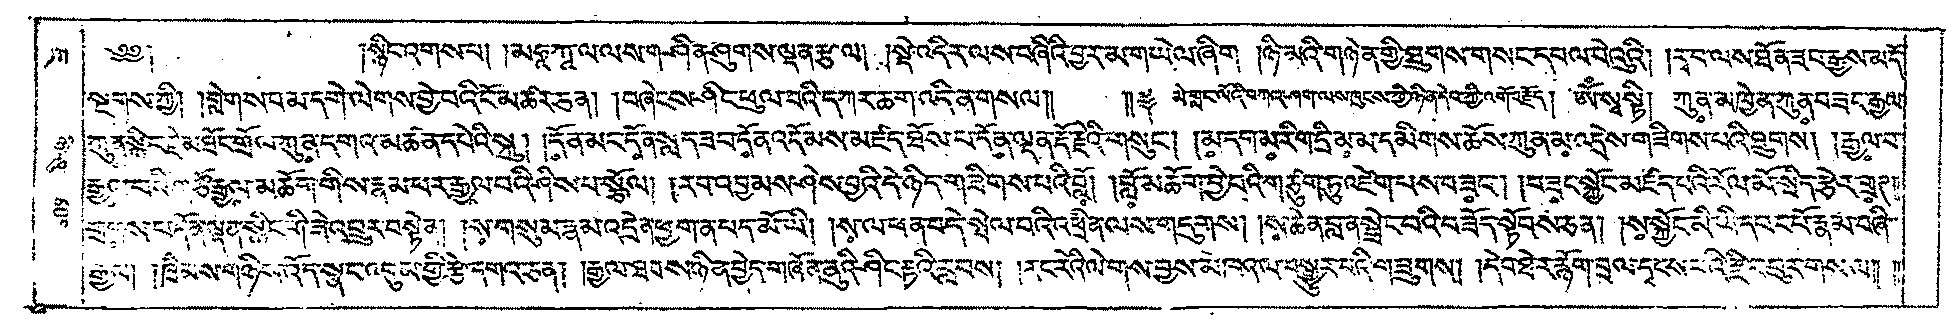༄༅། །སྙིང་འགས་པ། །མཧཱ་ཀཱ་ལ་ལས་གཤིན་ཤུགས་ལྡན་རྩལ། །སྡེ་འདིར་ལས་བཞིའི་བྱ་ར་མ་གཡེལ་ཞིག །ཉི་མའི་གཉེན་གྱི་ཐུགས་གསང་དཔལ་བེའུའི། །རྭ་བ་ལས་ཐོན་ཟབ་རྒྱས་མདོ་
སྔགས་ཀྱི། །གླེགས་བམ་དགེ་ལེགས་བྱེ་བའི་ངོ་མཚར་ཅན། །བཞེངས་ཤིང་ཕུལ་བའི་དཀར་ཆག་འདི་ན་གསལ།། །།༈ མེ་གླང་ལོའི་བཀའ་ཤག་ལས་ཁུངས་ཀྱི་ཉིན་དེབ་ཀྱི་འགོ་བརྗོད།  ཨོཾ་སྭ་སྟི། ཀུན྾་མཁྱེན་ཀུན྾་བཟང་རྒྱལ་
ཀུན྾་སྙིང་རྗེ་མཐོང་གྲོལ་ཀུན྾་དགའ་མཚན་དཔེའི་སྐུ། །དོན྾་མང་དོན྾་སླད་ཟབ་དོན྾་འདོམས་མཛད་ཐོས་པ་དོན྾་ལྡན་རྡོ་རྗེའི་གསུང་། །མ྾་དག་མ྾་རིག་དྲི་མ྾་མ་དམིགས་ཆོས་ཀུན་མ྾་འདྲེས་གཟིགས་པའི་ཐུགས། །རྒྱལ྾་བ་
རྒྱལ྾་བའི་གཙོ་རྒྱལ྾་མཆོག་གིས་རྣམ་པར་རྒྱལ྾་བའི་ཤིས་པ་སྩོལ། །རབ་འབྱམས་ཤེས་བྱའི་དེ་ཉིད་གཟིགས་པའི་བློ྾། །བློ྾་མཆོག་བྱེ་བའི་གཙུག་ཏུ་འཛེག་པས་བཟང྾། །བཟང྾་སྐྱོང་མཛད་པའི་རོལ་མོ་སྲིད་རྩེར་གྲགས྾།།
གྲགས྾་པ་དོན་ལྡན་སྙིང་གི་ཟེ་འབྲུར་བསྟེན། །ས྾་གསུམ་རྣམ་འདྲེན་ཕྱག་ན་པད་མོ་ཡི། །ས྾་ལ་ཕན་བདེ་སྤེལ་བའི་འཕྲིན་ལས་གདུགས། །ས྾་ཆེན་བླ་ན་སྒྲེང་བའི་བཟོད་སྟོབས་ཅན། །ས྾་སྐྱོང་མི་ཡི་དབང་པོ་རྣམ་བཞི་
རྒྱལ། །ཁྲིམས་གཉིས་འོད་སྣང་འབུམ་གྱི་རྩེ་དགའ་ཅན། །རྒྱལ་ཐབས་ཉིན་བྱེད་གཞོན་ནུའི་ཤིང་རྟའི་རླབས། །རང་རེའི་ལེགས་བྱས་མཁའ་ལ་བསྒྱུར་བའི་གཟུགས། །དེབ་ཐེར་རྙོག་བྲལ་དྭངས་པའི་རྫིང་བུར་གསལ།། །།